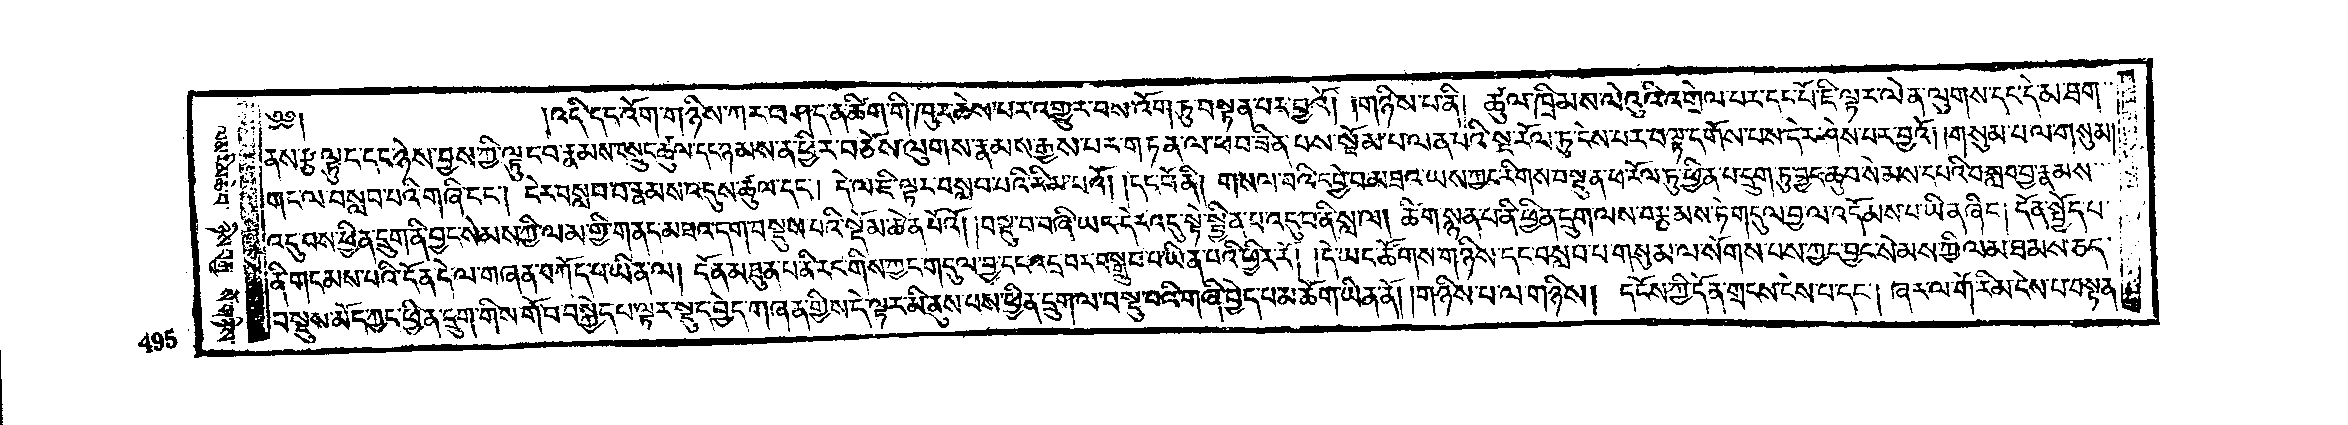༄༅། །འདི་དང་འོག་གཉིས་ཀར་བཤད་ན་ཚིག་གི་ཁུར་ཆེས་པར་འགྱུར་བས་འོག་ཏུ་བསྟན་པར་བྱའོ། །གཉིས་པ་ནི། ཚུལ་ཁྲིམས་ལེའུའི་འགྲེལ་པར་དང་པོ་ཇི་ལྟར་ལེན་ལུགས་དང་དེ་མ་ཐག་
ནས་རྩ་ལྟུང་དང་ཉེས་བྱས་ཀྱི་ལྟུང་བ་རྣམས་བསྲུང་ཚུལ་དང་ཉམས་ན་ཕྱིར་བཅོས་ལུགས་རྣམས་རྒྱས་པར་གཏན་ལ་ཕབ་ཟིན་པས་སྡོམ་པ་ལེན་པའི་སྔ་རོལ་ཏུ་ངེས་པར་བལྟ་དགོས་པས་དེར་ཤེས་པར་བྱའོ། །གསུམ་པ་ལ་གསུམ།
གང་ལ་བསླབ་པའི་གཞི་དང་། དེར་བསླབ་པ་རྣམས་འདུས་ཚུལ་དང་། དེ་ལ་ཇི་ལྟར་བསླབ་པའི་རིམ་པའོ། །དང་པོ་ནི། གསལ་བའི་དབྱེ་བ་མཐའ་ཡས་ཀྱང་རིགས་བསྡུ་ན་ཕ་རོལ་ཏུ་ཕྱིན་པ་དྲུག་ཏུ་བྱང་ཆུབ་སེམས་དཔའི་བསླབ་བྱ་རྣམས་
འདུ་བས་ཕྱིན་དྲུག་ནི་བྱང་སེམས་ཀྱི་ལམ་གྱི་གནད་མཐའ་དག་བསྡུས་པའི་སྡོམ་ཆེན་པོའོ། །བསྡུ་བ་བཞི་ཡང་དེར་འདུ་སྟེ་སྦྱིན་པ་འདུ་བ་ནི་སླ་ལ། ཚིག་སྙན་པ་ནི་ཕྱིན་དྲུག་ལས་བརྩམས་ཏེ་གདུལ་བྱ་ལ་འདོམས་པ་ཡིན་ཞིང་། དོན་སྤྱོད་པ་
ནི་གདམས་པའི་དོན་དེ་ལ་གཞན་བཀོད་པ་ཡིན་ལ། དོན་མཐུན་པ་ནི་རང་གིས་ཀྱང་གདུལ་བྱ་དང་འདྲ་བར་བསྒྲུབ་པ་ཡིན་པའི་ཕྱིར་རོ། །དེ་ཡང་ཚོགས་གཉིས་དང་བསླབ་པ་གསུམ་ལ་སོགས་པས་ཀྱང་བྱང་སེམས་ཀྱི་ལམ་ཐམས་ཅད་
བསྡུས་མོད་ཀྱང་ཕྱིན་དྲུག་གིས་གོ་བ་བསྐྱེད་པ་ལྟར་སྡུད་བྱེད་གཞན་གྱིས་དེ་ལྟར་མི་ནུས་པས་ཕྱིན་དྲུག་ལ་བསྡུ་བའི་གཞི་བྱེད་པ་མཆོག་ཡིན་ནོ། །གཉིས་པ་ལ་གཉིས། དངོས་ཀྱི་དོན་གྲངས་ངེས་པ་དང་། ཞར་ལ་གོ་རིམ་ངེས་པ་བསྟན་